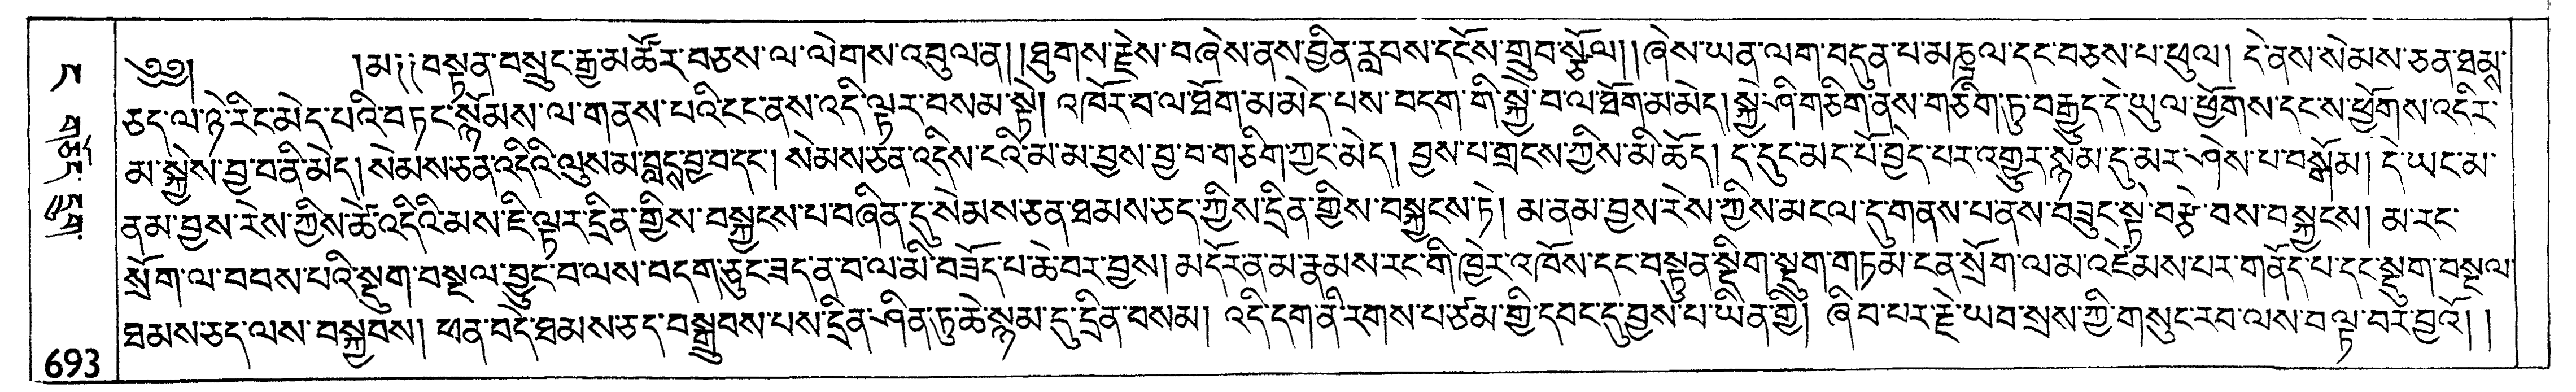༄༅། །མ༑ ༑བསྟན་བསྲུང་རྒྱ་མཚོར་བཅས་ལ་ལེགས་འབུལ་ན། །ཐུགས་རྗེས་བཞེས་ནས་བྱིན་རླབས་དངོས་གྲུབ་སྩོལ། །ཞེས་ཡན་ལག་བདུན་པ་མཎྜལ་དང་བཅས་པ་ཕུལ། དེ་ནས་སེམས་ཅན་ཐམས་
ཅད་ལ་ཉེ་རིང་མེད་པའི་བཏང་སྙོམས་ལ་གནས་པའི་ངང་ནས་འདི་ལྟར་བསམ་སྟེ། འཁོར་བ་ལ་ཐོག་མ་མེད་པས་བདག་གི་སྐྱེ་བ་ལ་ཐོག་མ་མེད། སྐྱེ་ཤི་གཅིག་ནས་གཅིག་ཏུ་བརྒྱུད་དེ་ཡུལ་ཕྱོགས་དང་ས་ཕྱོགས་འདིར་
མ་སྐྱེས་བྱ་བ་ནི་མེད། སེམས་ཅན་འདིའི་ལུས་མ་བླངས་བྱ་བ་དང་། སེམས་ཅན་འདིས་ངའི་མ་མ་བྱས་བྱ་བ་གཅིག་ཀྱང་མེད། བྱས་པ་གྲངས་ཀྱིས་མི་ཆོད། ད་དུང་མང་པོ་བྱེད་པར་འགྱུར་སྙམ་དུ་མར་ཤེས་པ་བསྒོམ། དེ་ཡང་མ་
ནམ་བྱས་རེས་ཀྱིས་ཚེ་འདིའི་མས་ཇི་ལྟར་དྲིན་གྱིས་བསྐྱངས་པ་བཞིན་དུ་སེམས་ཅན་ཐམས་ཅད་ཀྱིས་དྲིན་གྱིས་བསྐྱངས་ཏེ། མ་ནམ་བྱས་རེས་ཀྱིས་མངལ་དུ་གནས་པ་ནས་བཟུང་སྟེ་བརྩེ་བས་བསྐྱངས། མ་རང་
སྲོག་ལ་བབས་པའི་སྡུག་བསྔལ་བྱུང་བ་ལས་བདག་ཅུང་ཟད་ན་བ་ལ་མི་བཟོད་པ་ཆེ་བར་བྱས། མདོར་ན་མ་རྣམས་རང་གི་ཁྱེར་འཁོས་དང་བསྟུན་སྡིག་སྡུག་གཏམ་ངན་སྲོག་ལ་མ་འཛེམས་པར་གནོད་པ་དང་སྡུག་བསྔལ་
ཐམས་ཅད་ལས་བསྐྱབས། ཕན་བདེ་ཐམས་ཅད་བསྒྲུབས་པས་དྲིན་ཤིན་ཏུ་ཆེ་སྙམ་དུ་དྲིན་བསམ། འདི་དག་ནི་རགས་པ་ཙམ་གྱི་དབང་དུ་བྱས་པ་ཡིན་གྱི། ཞིབ་པར་རྗེ་ཡབ་སྲས་ཀྱི་གསུང་རབ་ལས་བལྟ་བར་བྱའོ། །